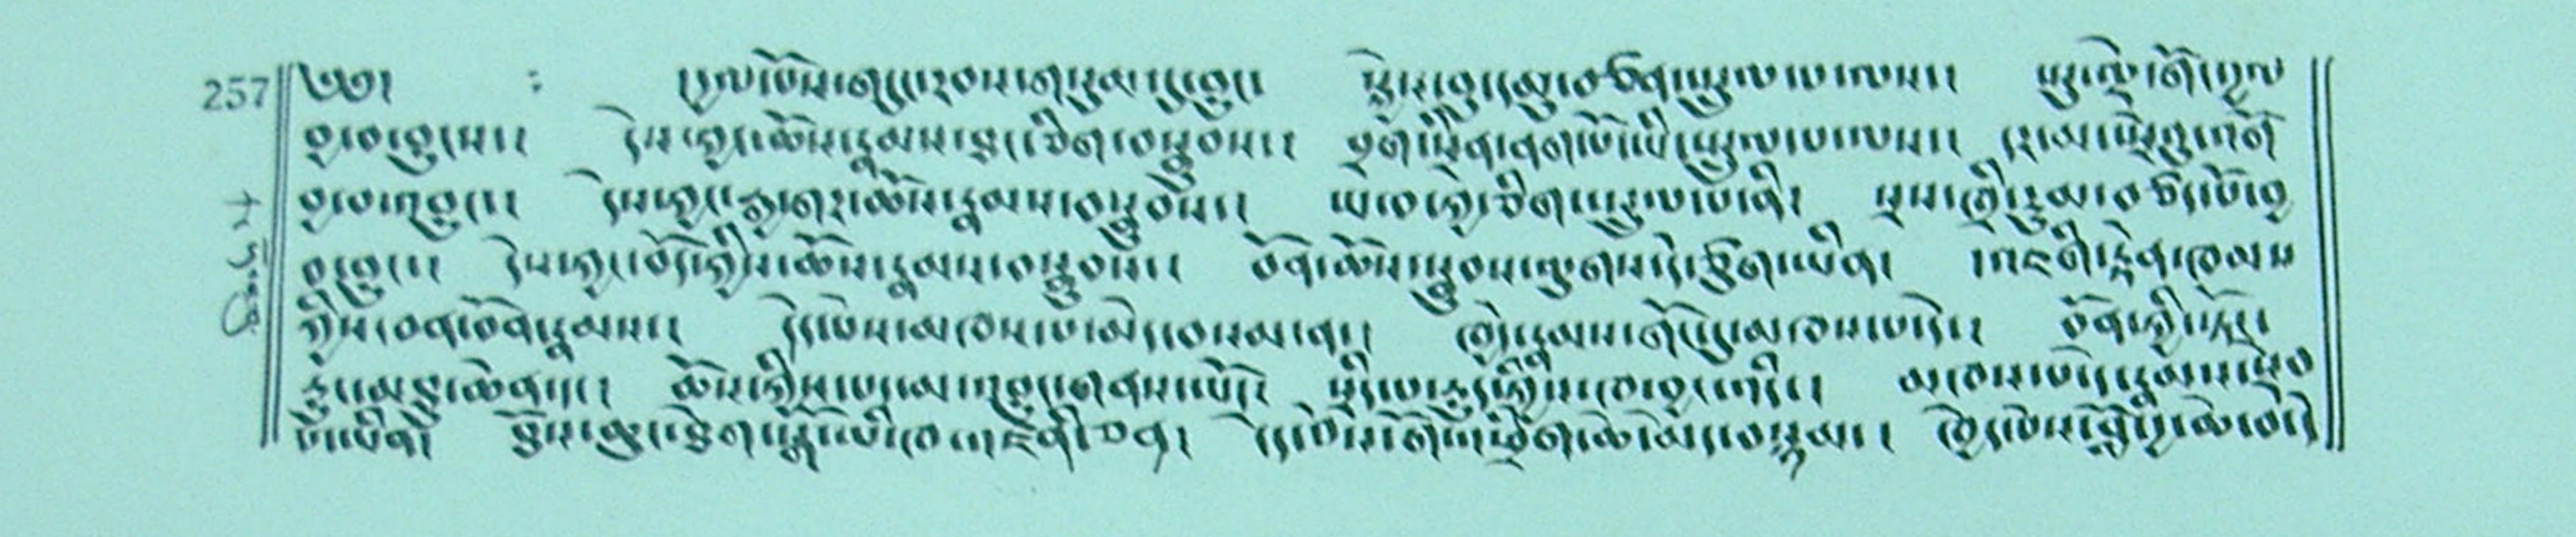༄༅། །རྒྱལ་བོའི་གདུང་རབས་གསུམ་དུ་བྱུང་། སྐྱེས་བུ་དམུ་བཙན་སྤྲུལ་པ་ལས། སྤུ་དེ་གུང་རྒྱལ་
བྱ་བ་བྱུང་། དེས་ཀྱང་ཆོས་རྣམས་ཐང་ཅིག་བསྣུབས། བྲག་སྲིན་ནག་པོའི་སྤྲུལ་པ་ལས། དར་མ་སྤྲེའུ་མགོ་
བྱ་བ་བྱུང་། དེས་ཀྱང་རྒྱ་གར་ཆོས་རྣམས་བསྣུབས། ཡ་བ་ཀྱ་ཅིག་སྤྲུལ་པ་ནི། སྲས་ཁྲི་རུམ་བཙད་པོ་བྱ་
བ་བྱུང་། དེས་ཀྱང་བོད་ཀྱི་ཆོས་རྣམས་བསྣུབས། བོན་ཆོས་བསྣུབས་ལུགས་དེ་ཙུགས་ཡིན། འཇིག་རྟེན་ཁམས་
ཀྱི་བན་བོན་རྣམས། དེང་པས་མཁས་པ་མེད་བསམ་ན། ཁྱེད་རྣམས་གོང་དུ་མཁས་པ་དེ། བོན་གྱི་སྟོང་
རྒྱུང་མཐུ་ཆེན་དང་། ཆོས་ཀྱི་པདྨ་འབྱུང་གནས་ཡོད། སྲིད་པ་རྒྱུད་ཀྱི་ཁ་བྱང་འདི། མཁས་པ་དེ་རྣམས་སྡེབ་
པ་ཡིན། ཐོས་ཆུང་ཐེག་སྒོ་ཡི་ཁ་འཛིན་ཅན། ངེད་བསེ་གོ་འཕྲིག་ཆེ་མེད་བསྙམས། ཁྱེད་བས་བློ་རྒྱ་ཆེ་བ་དེ།